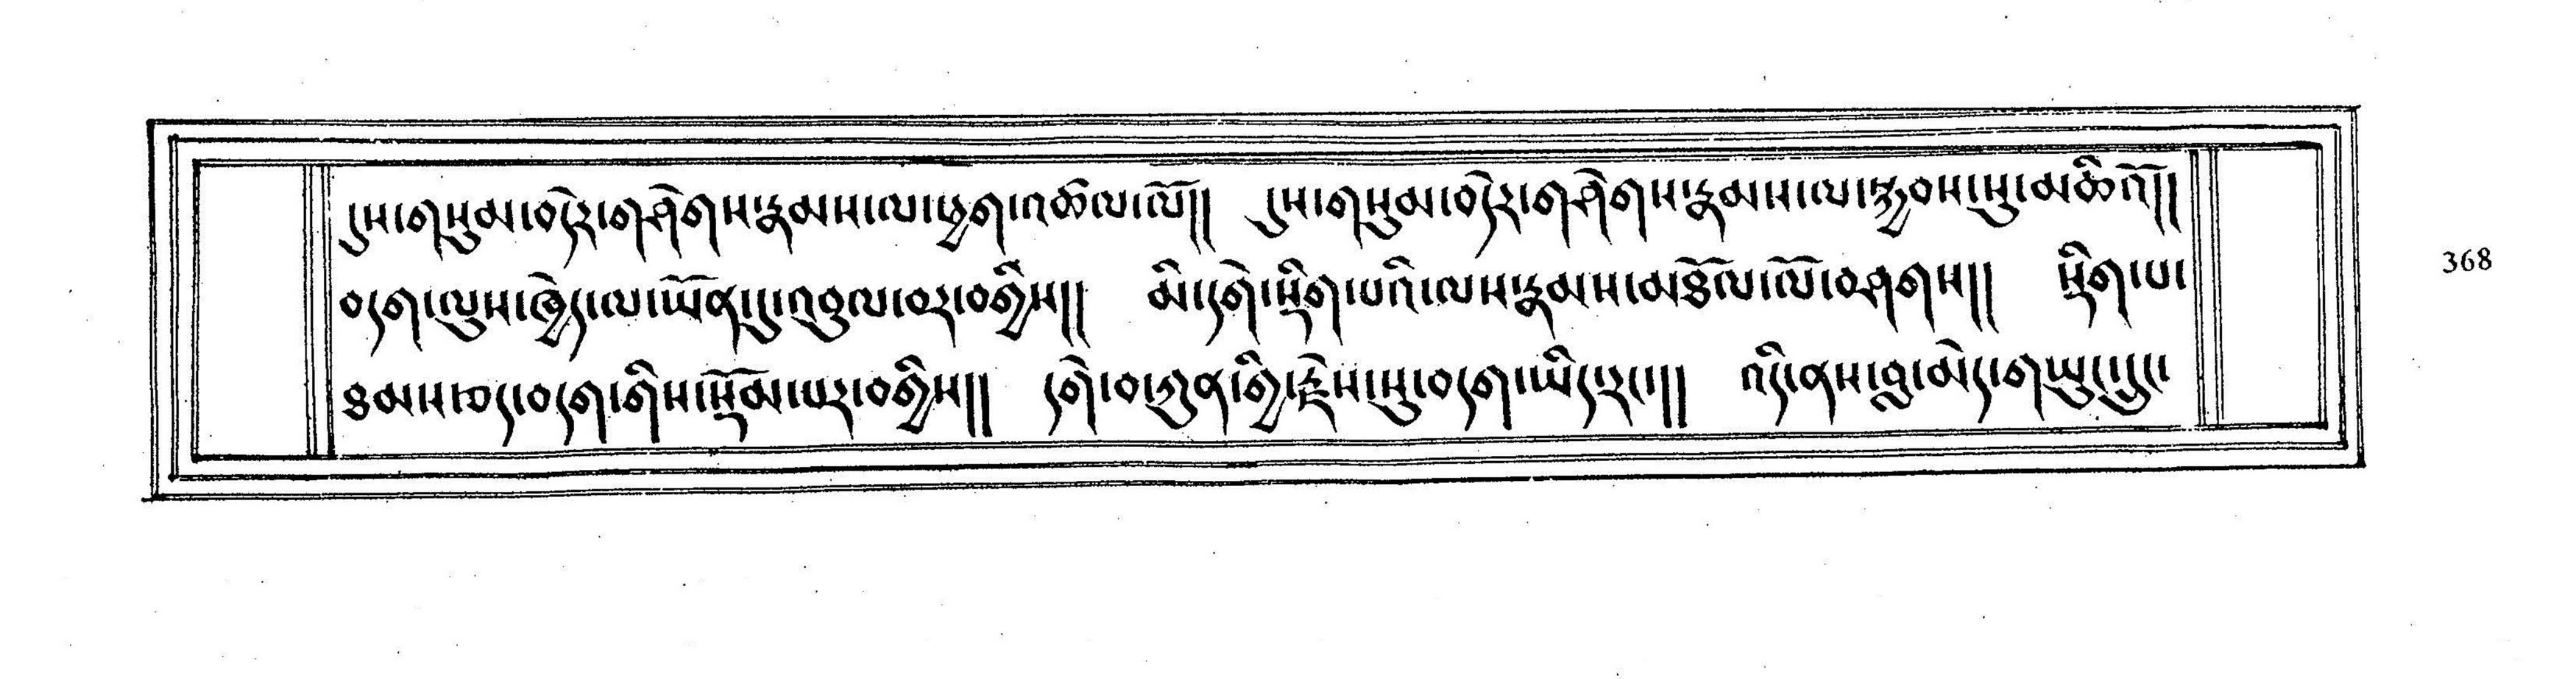དུས་གསུམ་བདེར་གཤེགས་རྣམས་ལ་ཕྱག་འཚལ་ལོ།། དུས་གསུམ་བདེར་གཤེགས་རྣམས་ལ་སྐྱབས་སུ་མཆིའོ།། 
བདག་ལུས་ཁྱེད་ལ་ཡོན་དུ་འབུལ་བར་བགྱིས།། མི་དགེ་སྡིག་པའི་ལས་རྣམས་མཐོལ་ལོ་བཤགས།། སྡིག་པ་
ཐམས་ཅད་བདག་གིས་སྡོམ་པར་བགྱིས།། དགེ་བ་ཀུན་གྱི་རྗེས་སུ་བདག་ཡིད་རང་།། འདི་ནས་བླ་མེད་གཡུང་དྲུང་